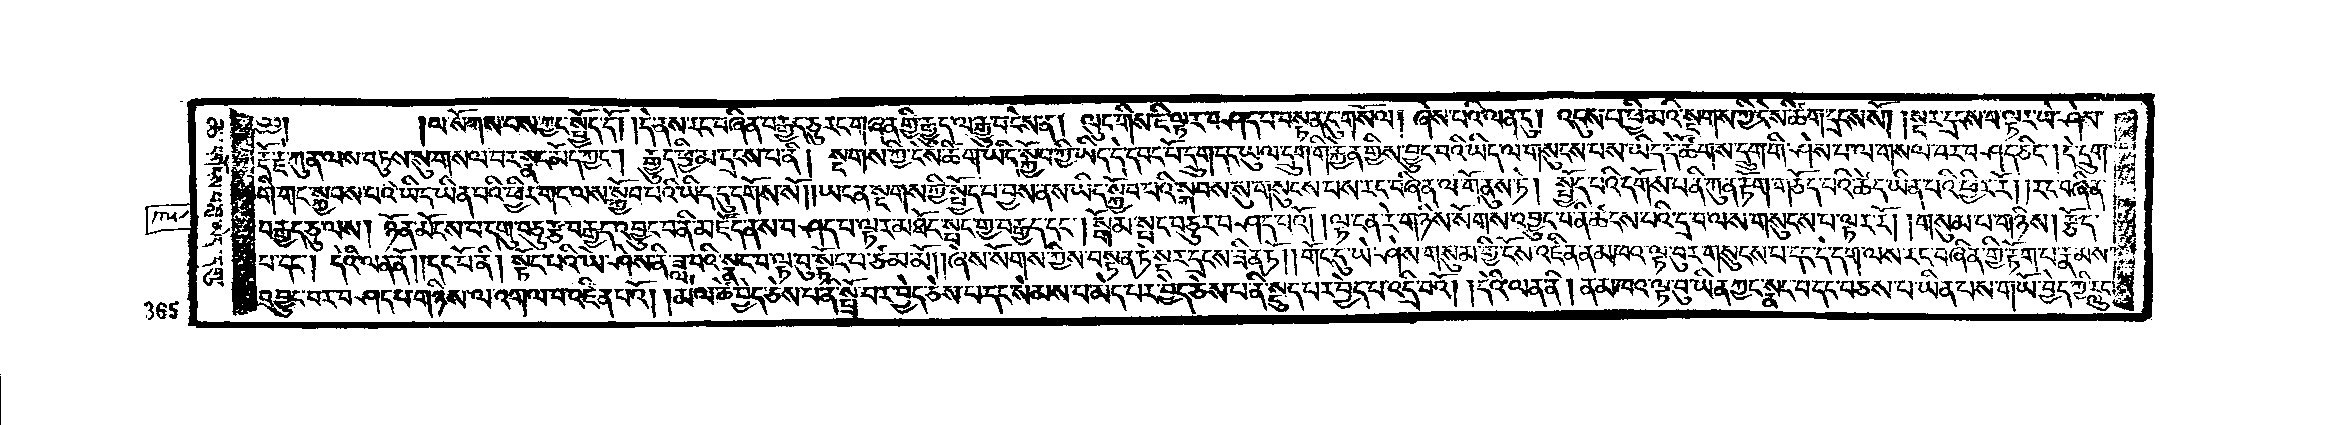༄༅། །ལ་སོགས་པས་ཀྱང་སྤྱོད་དོ། །དེ་ནས་རང་བཞིན་བརྒྱད་ཅུ་རང་གཞན་གྱི་རྒྱུད་ལ་རྒྱུ་བ་ངེས་ན། ལུང་གིས་ཇི་ལྟར་བཤད་པ་བསྟན་དུ་གསོལ། ཞེས་པའི་ལན་དུ། འདུས་པ་ཕྱི་མའི་སྔགས་ཀྱི་ངེས་ཚིག་དྲངས་སོ། །སྔར་དྲངས་པ་ལྟར་ཡེ་ཤེས་
རྡོ་རྗེ་ཀུན་ལས་བཏུས་སུ་གསལ་བར་སྣང་མོད་ཀྱང་། རྒྱུད་ཕྱི་མ་དྲངས་པ་ནི། སྔགས་ཀྱི་ངེས་ཚིག་ཡིད་སྐྱོབ་ཀྱི་ཡིད་དེ་དབང་པོ་དྲུག་དང་ཡུལ་དྲུག་གི་རྐྱེན་གྱིས་བྱུང་བའི་ཡིད་ལ་གསུངས་པས་ཡིད་དེ་ཚོགས་དྲུག་གི་ཤེས་པ་ལ་གསལ་བར་བཤད་ཅིང་། དེ་དྲུག་ག་གང་སྐྱབས་པའི་ཡིད་ཡིན་པའི་ཕྱིར་གང་ལས་སྐྱོབ་པའི་ཡིད་དུ་དགོས་སོ། །ཡང་ན་སྔགས་ཀྱི་སྤྱོད་པ་བྱས་ནས་ཡིད་སྐྱོབ་པའི་སྐབས་སུ་གསུངས་པས་རང་བཞིན་ལ་གོ་ནུས་ཏེ། སྤྱོད་པའི་དགོས་པ་ནི་ཀུན་རྟོག་གཅོད་པའི་ཆེད་ཡིན་པའི་ཕྱིར་རོ། །རང་བཞིན་
བརྒྱད་ཅུ་ལས། ཉོན་མོངས་པ་དགུ་བཅུ་རྩ་བརྒྱད་འབྱུང་བ་ནི་མཛོད་ནས་བཤད་པ་ལྟར་མཐོང་སྤང་གྱ་བརྒྱད་དང་། སྒོམ་སྤང་བཅུར་བཤད་པའོ། །ལྟ་ངན་རེ་གཉིས་སོགས་འབྱུང་བ་ནི་ཚངས་པའི་དྲ་བ་ལས་གསུངས་པ་ལྟར་རོ། །གསུམ་པ་གཉིས། རྩོད་
པ་དང་། དེའི་ལན་ནོ། །དང་པོ་ནི། སྟོང་པའི་ཡེ་ཤེས་ནི་ཟླ་བའི་སྣང་བ་ལྟ་བུ་སྟོང་པ་ཙམ་མོ། །ཞེས་སོགས་ཀྱིས་བསྟན་ཏེ་སྔར་དྲངས་ཟིན་ཏོ། །གོང་དུ་ཡེ་ཤེས་གསུམ་གྱི་ངོས་འཛིན་ནམ་མཁའ་ལྟ་བུར་གསུངས་པ་དང་དེ་དག་ལས་རང་བཞིན་གྱི་རྟོག་པ་རྣམས་
འབྱུང་བར་བཤད་པ་གཉིས་ལ་འགལ་བ་འཛིན་པའོ། །མེལ་ཚེ་བྱེད་ཅེས་པ་ནི་སྤྲོ་བར་བྱེད་ཅེས་པ་དང་སེམས་པ་མེད་པར་བྱེད་ཅེས་པ་ནི་སྡུད་པར་བྱེད་པ་འདྲི་བའོ། །དེའི་ལན་ནི། ནམ་མཁའ་ལྟ་བུ་ཡིན་ཀྱང་སྣང་བ་དང་བཅས་པ་ཡིན་པས་གཡོ་བྱེད་ཀྱི་རླུང་